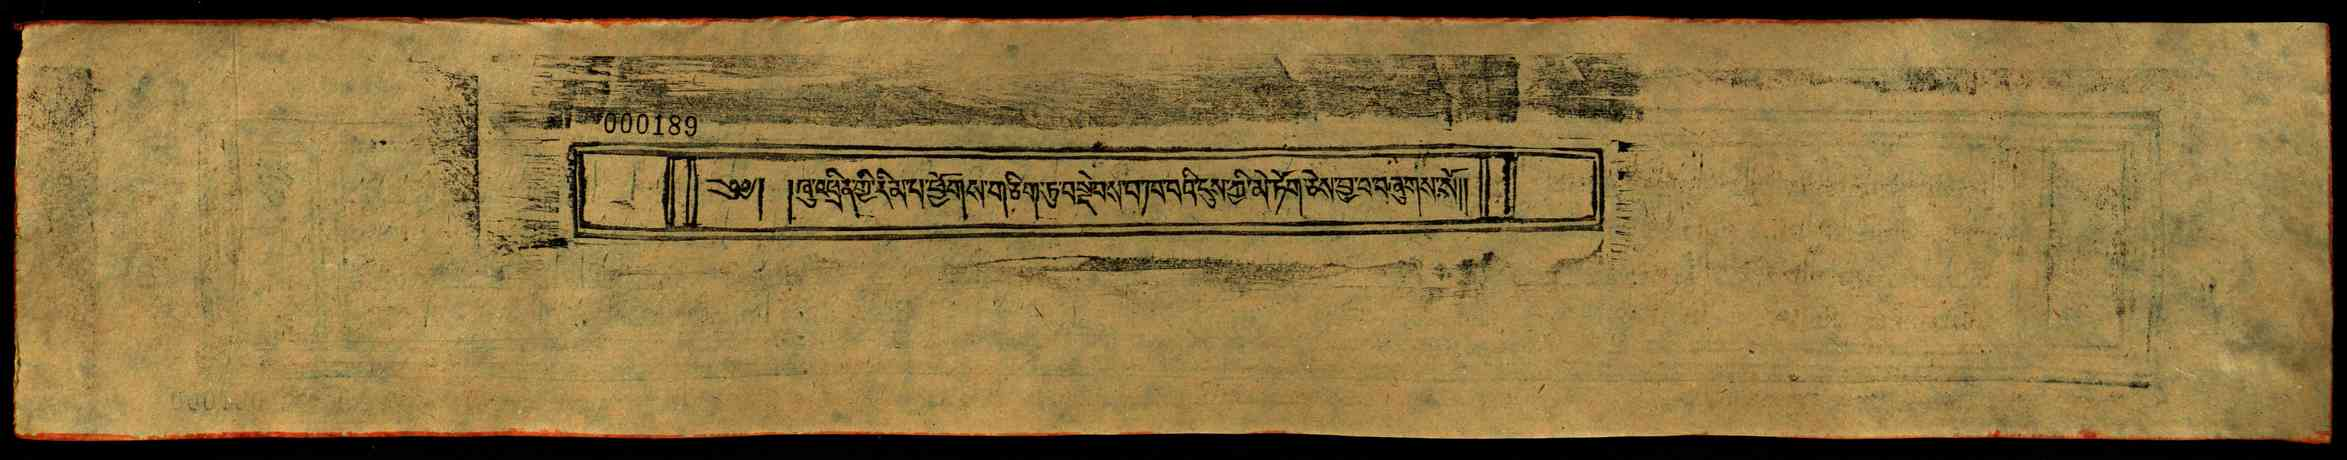༄༅། །ཞུ་འཕྲིན་གྱི་རིམ་པ་ཕྱོགས་གཅིག་ཏུ་བསྡེབས་པ་ཁ་བའི་དུས་ཀྱི་མེ་ཏོག་ཅེས་བྱ་བ་བཞུགས་སོ།།